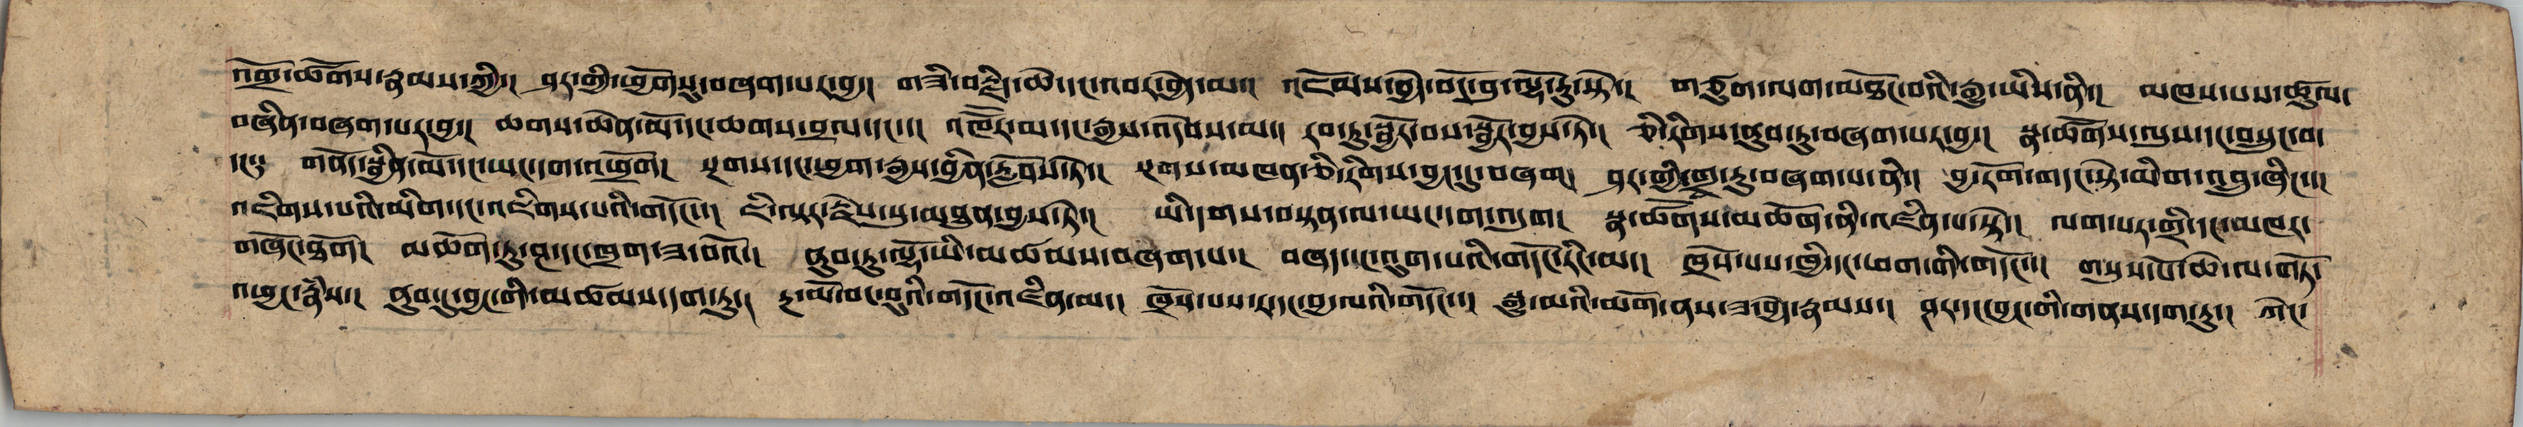འགྲོ་ཚོགས་རྣམས་ཀྱི་། ཤར་གྱི་ཕྱོགསུ་བཞག་པར་བྱ་། གཟི་བརྗིད་ཆེ་དང་འབར་བྱེད་མ་། འཇོམས་བྱེད་བོང་བུ་ལྷོ་རུ་སྟེ་། གཙུག་ལག་མཐོང་བའི་རྒྱུ་ཡིས་ནི་། མཁས་པས་ཚུལ་
བཞིན་བཞག་པར་བྱ་། ཆགས་ཆེན་མོ་དང་ཆགས་བྲལ་དང་་། འཁཽར་མ་དང་རྒྱས་འདེབས་མ་། རབ་ཏུ་སྦྱོར་བས་སྦྱོར་བྱས་ཏེ་། ཅི་རིགས་ནུབ་ཏུ་བཞག་པར་བྱ་། སྣ་ཚོགས་ལུས་དང་བསྲུང་བ་
དང༑ གནཽད་སྦྱིན་མོ་དང་ཡང་དག་འཕྲོག། སྔགས་དང་ཕྱག་རྒྱས་བྱིན་རློབས་ཏེ་། སྔགས་མཁན་ཅི་རིགས་བྱང་དུ་བཞག། ཤར་གྱི་གྲྭ་རུ་བཞག་པ་ནི་། བྱ་རོག་གདང་སྟེ་མིག་འབྲུ་ཞིང་་།
འཇིགས་པའི་མིག་དང་འཇིགས་པའི་གདོང་་། ཇི་ལྟར་རྗེས་སུ་མཐུན་བྱས་ཏེ་། ཡི་དགས་བསྟན་ལ་ཡང་དག་འདུག། སྣ་ཚོགས་མཆོག་ནི་འཛིན་པ་སྟེ་། ལག་པར་གྲི་དང་མཁར་
གཞོང་ཐོག། མཆོག་ཏུ་ཤ་དང་ཁྲག་ཟ་བའོ་། ནུབ་ཏུ་ལྷོ་ཡི་མཚམས་བཞག་པ་། བཞད་དང་འུག་པའི་གདོང་རིང་མ་། ཁྲོས་པས་ཁྱི་དང་ཕག་གི་གདོང་་། གསུས་པོ་ཆེ་ལ་གཏོ་
འཕྱང་རྣཾས་། ནུབ་དུ་བྱང་གི་མཚམས་དག་ཏུ་། རྔ་མོ་བང་བུའི་གདོང་འཛིན་མ་། ཁྲོས་པས་ར་དང་བྱ་ལའི་གདོང་་། སྒྱུ་མའི་མགོ་ནས་ཟ་བྱེད་རྣམས་། ཤར་དང་བྱང་གི་གནས་དག་ཏུ་། ཀེང་